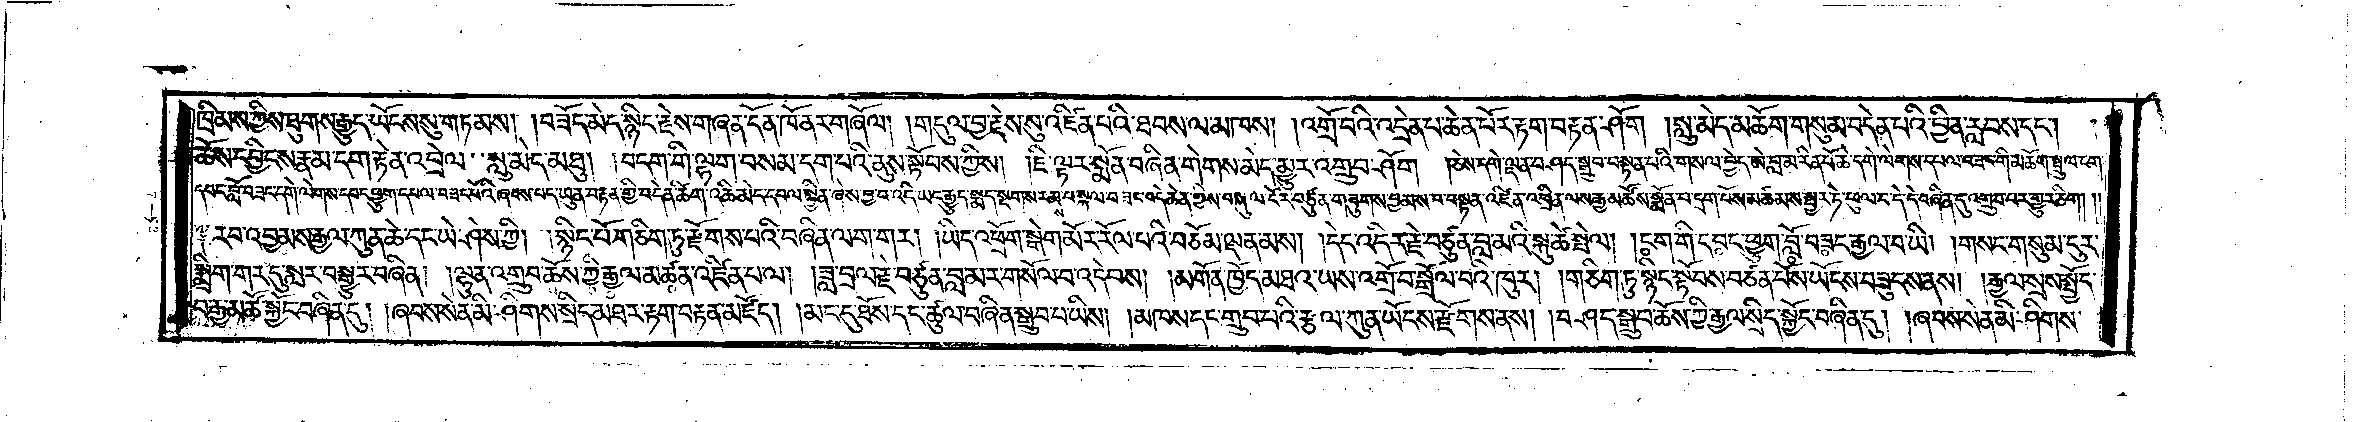ཁྲིམས་ཀྱིས་ཐུགས་རྒྱུད་ཡོངས་སུ་གཏམས། །བཟོད་མེད་སྙིང་རྗེས་གཞན་དོན་ཁོ་ནར་གཞོལ། །གདུལ་བྱ་རྗེས་སུ་འཛིན་པའི་ཐབས་ལམ་མཁས། །འགྲོ་བའི་འདྲེན་པ་ཆེན་པོར་རྟག་བརྟན་ཤོག །སླུ་མེད་མཆོག་གསུམ་བདེན་པའི་བྱིན་རླབས་དང་། །
ཆོས་དབྱིངས་རྣམ་དག་རྟེན་འབྲེལ་བསླུ་མེད་མཐུ། །བདག་གི་ལྷག་བསམ་དག་པའི་ནུས་སྟོབས་ཀྱིས། །ཇི་ལྟར་སྨོན་བཞིན་གེགས་མེད་མྱུར་འགྲུབ་ཤོག །ཅེས་དགེ་ལྡན་བཤད་སྒྲུབ་བསྟན་པའི་གསལ་བྱེད་ཨེ་བླ་མ་རིན་ཐོ་ཆེ་དགེ་ལེགས་དཔལ་བཟང་གི་མཆོག་སྤྲུལ་ངག་
དབང་བློ་བཟང་དགེ་ལེགས་དབང་ཕྱུག་དཔལ་བ་བད་པའི་ཞབས་པད་ཡུན་བརྟན་གྱི་བདེན་ཚིག་འཆི་མེད་དཔལ་སྦྱིན་ཞེས་བྱ་བ་འདི་ཡང་རྒྱུད་སྨད་སྔགས་རམ་བསྐལ་བཟང་བདེ་ཆེན་གྱིས་བསྐུལ་ངོར་བཙུན་གཟུགས་བྱམས་པ་བསྟན་འཛིན་འཕྲིན་ལས་རྒྱ་མཚོས་སྨོན་པ་དྲག་བོས་མཚམས་སྦྱར་ཏེ་ཕུལ་བ་དེ་དེ་བཞིན་དུ་འགྲུབ་པར་གྱུར་ཅིག །
༈ རབ་འབྱམས་རྒྱལ་ཀུན་ཚེ་དང་ཡེ་ཤེས་ཀྱི། །སྙིང་པོ་གཅིག་ཏུ་རྫོགས་པའི་བཞིན་ལག་གར། །ཡིད་འཕྲོག་སྒེག་མོར་རོལ་པའི་བཅོམ་ལྡན་མས། །དེང་འདིར་རྗེ་བཙུན་བླ་མའི་སྐུ་ཚེ་སྤེལ། ངག་གི་དབང་ཕྱུག་བློ་བཟང་རྒྱལ་བ་ཡི། །གསང་གསུམ་དུར་
སྨྲིག་གར་བུ་སླར་བསྒྱུར་བཞིན། །ལྟུན་འགྲུབ་ཆོས་ཀྱི་རྒྱལ་མཚན་འཛིན་པ་ལ། །ཟླ་བྲལ་རྗེ་བཙུན་བླ་མར་གསོལ་བ་འདེབས། །མགོན་ཁྱོད་མཐའ་ཡས་འགྲོ་བསྒྲོལ་བའི་ཁུར། །གཅིག་ཏུ་སྟིང་སྟོབས་བཙན་པོས་ཡོངས་བཟུངས་ནས། །རྒྱལ་སྲས་སྤྱོད་
པ་རྒྱ་མཚོ་སྐྱོང་བཞིན་དུ། །ཞབས་སེན་མི་ཤིགས་སྲིད་མཐར་རྟག་བརྟན་མཛོད། །མང་དུ་ཐོས་དང་ཚུལ་བཞིན་སྒྲུབ་བ་ཡིས། །མཁས་དང་གྲུབ་པའི་རྩལ་ཀུན་ཡོངས་རྫོགས་ནས། །བཤད་སྒྲུབ་ཆོས་ཀྱི་རྒྱལ་སྲིད་སྐྱོང་བཞིན་དུ། །ཞངས་སེན་མི་ཤིགས་